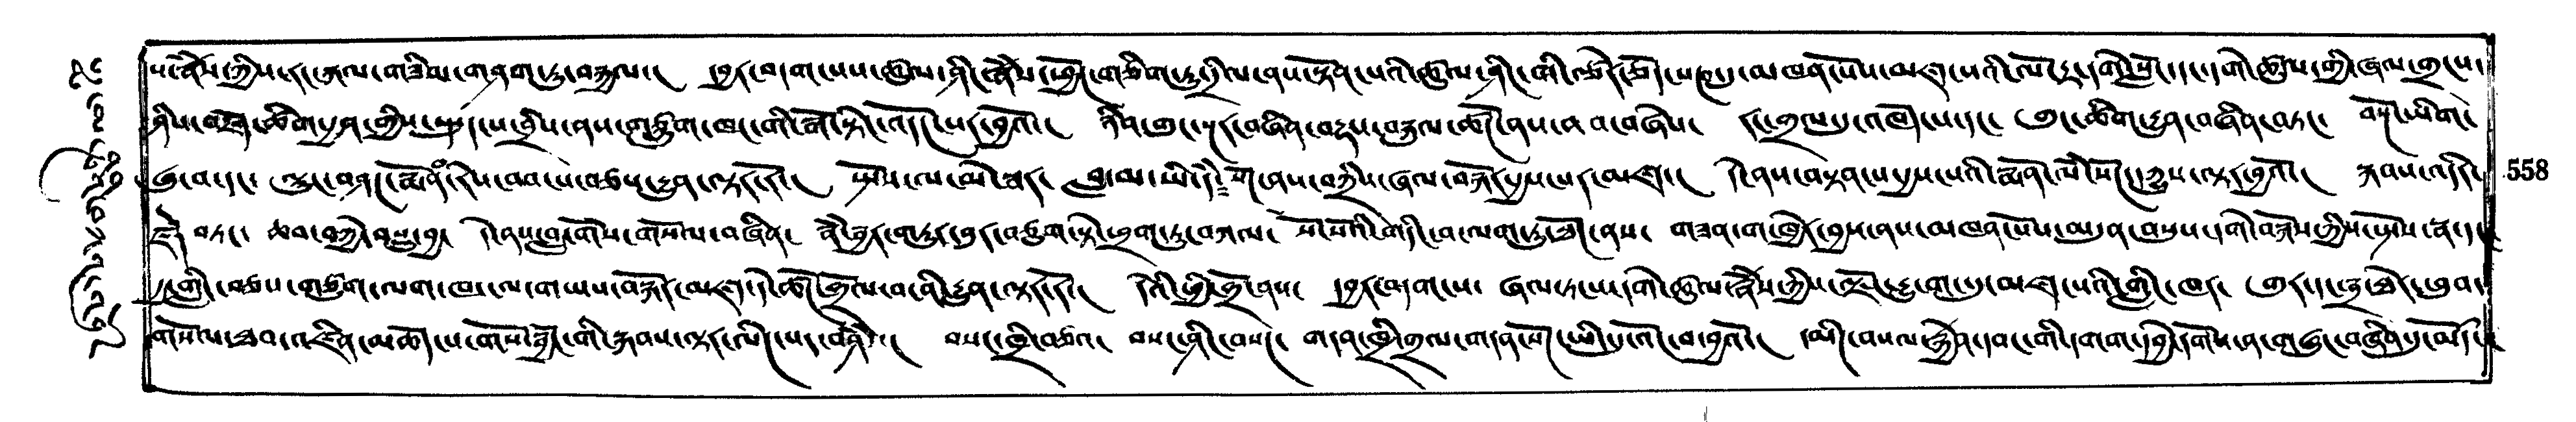པ་རྣམས་ཀྱིས་རང་སྐལ་གཟིམས་ཤག་ཏུ་བསྐྱལ། དབྱར་བདག་པས་ཚུལ་ཤིང་རྣམས་ཕྱོགས་གཅིག་ཏུ་དྲིལ་ནས་སྟོན་པའི་ཚུལ་ཤིང་གི་རྩེར་ཅོད་པན་དུ་མཁན་པོས་མཛད་པའི་ལོ་རྟགས་དགེ་སློང་དང་དགེ་ཚུལ་གྱི་ཞལ་གྲངས་
ཤིས་བརྗོད་ཚིག་རྒྱན་གྱིས་སྤུད་པ་བྲིས་ནས་གཙུག་ལག་ཁང་གི་སྒོ་སྟེང་དུ་འདོགས་པར་བྱའོ།།ཉིན་གུང་སྔར་བཞིན་བརྡས་བསྐུལ་སྟེ་ཚོགས་ནས་ཆབ་བཞེས། རང་གྲལ་དུ་འཁོད་པ་དང་། གུང་ཚིགས་རྒྱུན་བཞིན་བཏང་། བསྔོ་ཡིག་
ཞུ་བ་དང་། ལྟུང་བཤགས་སྨོན་ལམ་རེས་བབ་བཅས་རྒྱུན་ལྟར་རོ།། སྤོས་ལ་མེ་སྦར། བླ་མ་ཡི་དམ་༴ སོགས་ནས་བཀྲ་ཤིས་ཞལ་བསྐོར་རྒྱས་པར་མཛད། དེ་ནས་བསྟན་པ་རྒྱས་པའི་སྨོན་ལམ་སོགས་ཀྱུས་ལྟར་བྱའོ།། སྐབས་འདིར། 
ཇ༽ བཏང་། ཆབ་བཀྱེ་བསྡུ་བྱ། དེ་ནས་བླ་གོས་གསོལ་བཞིན། སྣམ་སྦྱར་གཏུར་བུར་བཅུག་སྟེ་ཕྲག་ཏུ་བཀལ། སོ་སོའི་གདིང་བ་ལག་ཏུ་ཐོགས་ནས། གཟན་གལ་ཁྱེར་བྱས་ནས་མཁན་པོས་མདུན་བསུས་དགེ་སྐོས་ཀྱིས་སྤོས་སྣ་དང་
རྒྱ་གླིང་བཅས་གཙུག་ལག་ཁང་ལ་གཡས་བསྐོར་མཛད་དེ་ཚོགས་གྲོལ་བ་ནི་རྒྱུན་ལྟར་རོ།། དེའི་ཕྱི་དྲོ་ནས། དབྱར་བདག་པ། ཞལ་ཏ་པ་དགེ་ཚུལ་རྣམས་ཀྱིས་ལྗོངས་རྒྱུ་གང་དུ་མཛད་པའི་གླིང་ཁར། གུར་དང་སྦྲ་ཐེར་ཕུབ། 
གསོལ་ཐབ་འཛིན། མཆོད་པ་གསོ་སྦྱོང་གི་སྐབས་ལྟར་ལེགས་པར་བཤམ། བསང་ཁྲི་བཅའ། བསང་ཤིང་བསགས། གདན་ཁྲི་གྲལ་གདན་སོགས་ཡིད་དུ་འོང་བ་བྱའོ།། དམིགས་བསལ་རྐྱེན་དབང་གིས་དགག་དབྱེ་དགོས་ན་གཞུང་བཞིན་དུ་མཛད།